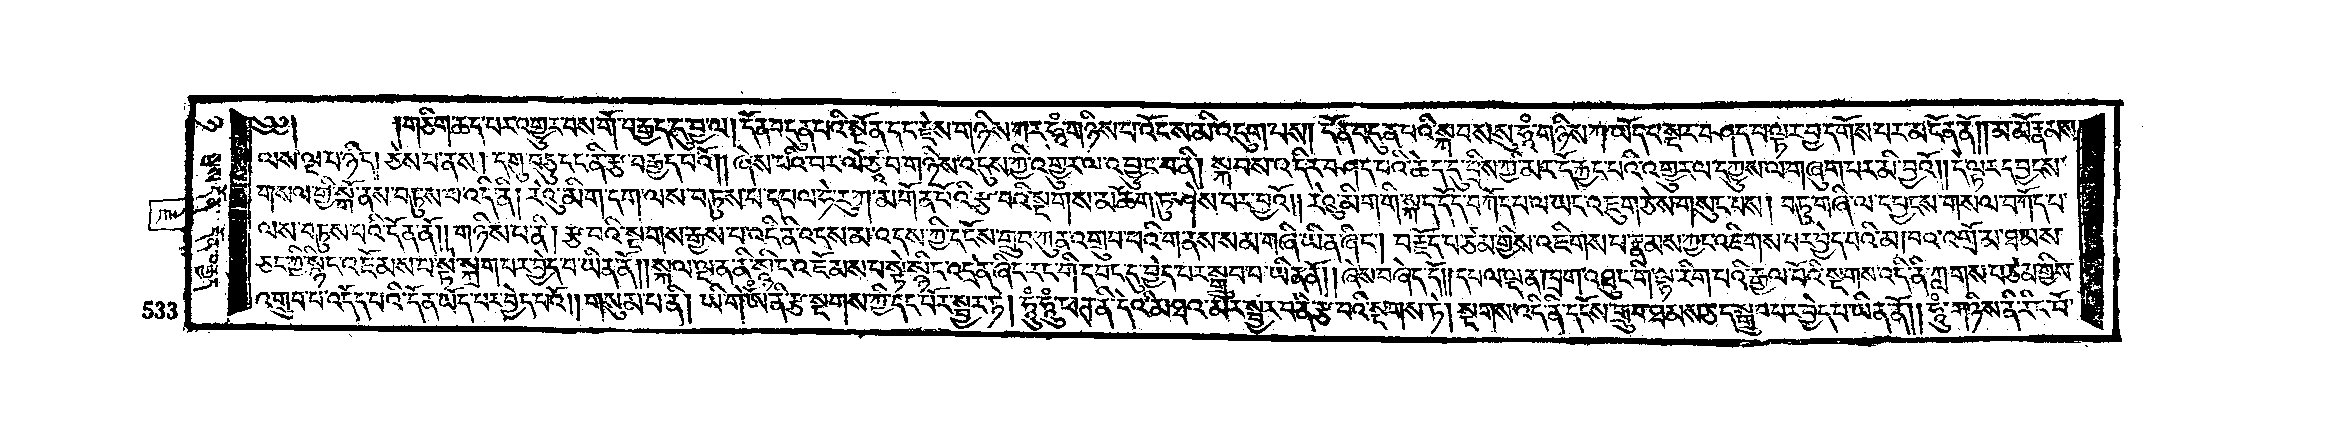༄༅། །གཅིག་ཆད་པར་འགྱུར་བས་གོ་བརྒྱད་དུ་བྱ་ལ། དོན་བདུན་པའི་སྔོན་དང་རྗེས་གཉིས་ཀར་ཧའཾ་གཉིས་པ་འོང་ས་མི་འདུག་པས། དོན་བདུན་པའི་སྐབས་སུ་ཧའཾ་གཉིས་ཀ་ཡོད་པ་སྔར་བཤད་པ་ལྟར་བྱ་དགོས་པར་མངོན་ནོ། །མ་མོ་རྣམས་
ལས་ལྔ་པ་ཉིད། ཅེས་པ་ནས། དགུ་བཅུ་དང་ནི་རྩ་བརྒྱད་པའོ། །ཞེས་པའི་བར་ལོ་ཙཱ་བ་གཉིས་འདུས་ཀྱི་འགྱུར་ལ་འབྱུང་བ་ནི། སྐབས་འདིར་བཤད་པའི་ཆེད་དུ་བྲིས་ཀྱི་མར་དོ་རྐྱང་པའི་འགྱུར་ལ་དཀྱུས་ལ་གཞུག་པར་མི་བྱའོ། །དེ་ལྟར་དབྱངས་
གསལ་གྱི་སྒོ་ནས་བཏུས་པ་འདི་ནི། རེའུ་མིག་དག་ལས་བཏུས་པ་དཔལ་ཧེ་རུ་ཀ་མགོན་པོའི་རྩ་བའི་སྔགས་མཆོག་ཏུ་ཤེས་པར་བྱའོ། །རེའུ་མིག་གི་སྐད་དོད་བཀོད་པ་ལ་ཡང་འཇུག་ཅེས་གསུང་པས། བཏུ་གཞི་ལ་དབྱངས་གསལ་བཀོད་པ་
ལས་བཏུས་པའི་དོན་ནོ། །གཉིས་པ་ནི། རྩ་བའི་སྔགས་རྒྱས་པ་འདི་ནི་འདས་མ་འདས་ཀྱི་དངོས་གྲུབ་ཀུན་འགྲུབ་པའི་གནས་སམ་གཞི་ཡིན་ཞིང་། བརྗོད་པ་ཙམ་གྱིས་འཇིགས་པ་རྣམས་ཀྱང་འཇིགས་པར་བྱེད་པའི་མཁའ་འགྲོ་མ་ཐམས་
ཅད་ཀྱི་སྙིང་འཇོམས་པ་སྟེ་སྐྲག་པར་བྱེད་པ་ཡིན་ནོ། །སྐལ་ལྡན་ནི་སྙིང་འཇོམས་པ་སྟེ་སྙིང་འདྲེན་ཞིང་རང་གི་དབང་དུ་བྱེད་པར་སྒྲུབ་པ་ཡིན་ནོ། །ཞེས་བཞེད་དོ། །དཔལ་ལྡན་ཁྲག་འཐུང་གི་ལྷ་རིག་པའི་རྒྱལ་པོའི་སྔགས་འདི་ནི་ཀླགས་པ་ཙམ་གྱིས་
འགྲུབ་པ་འདོད་པའི་དོན་ཡོད་པར་བྱེད་པའོ། །གསུམ་པ་ནི། ཡི་གེ་ཨོཾ་ནི་རྩ་སྔགས་ཀྱི་དང་པོར་སྦྱར་ཏེ། ཧཱུཾ་ཧཱུཾ་ཕཊ་ནི་དེའི་མཐའ་མར་སྦྱར་བ་ནི་རྩ་བའི་སྔགས་ཏེ། སྔགས་འདི་ནི་དངོས་གྲུབ་ཐམས་ཅད་སྒྲུབ་པར་བྱེད་པ་ཡིན་ནོ། །ཧཱུཾ་གཉིས་ནི་རིང་པོ་